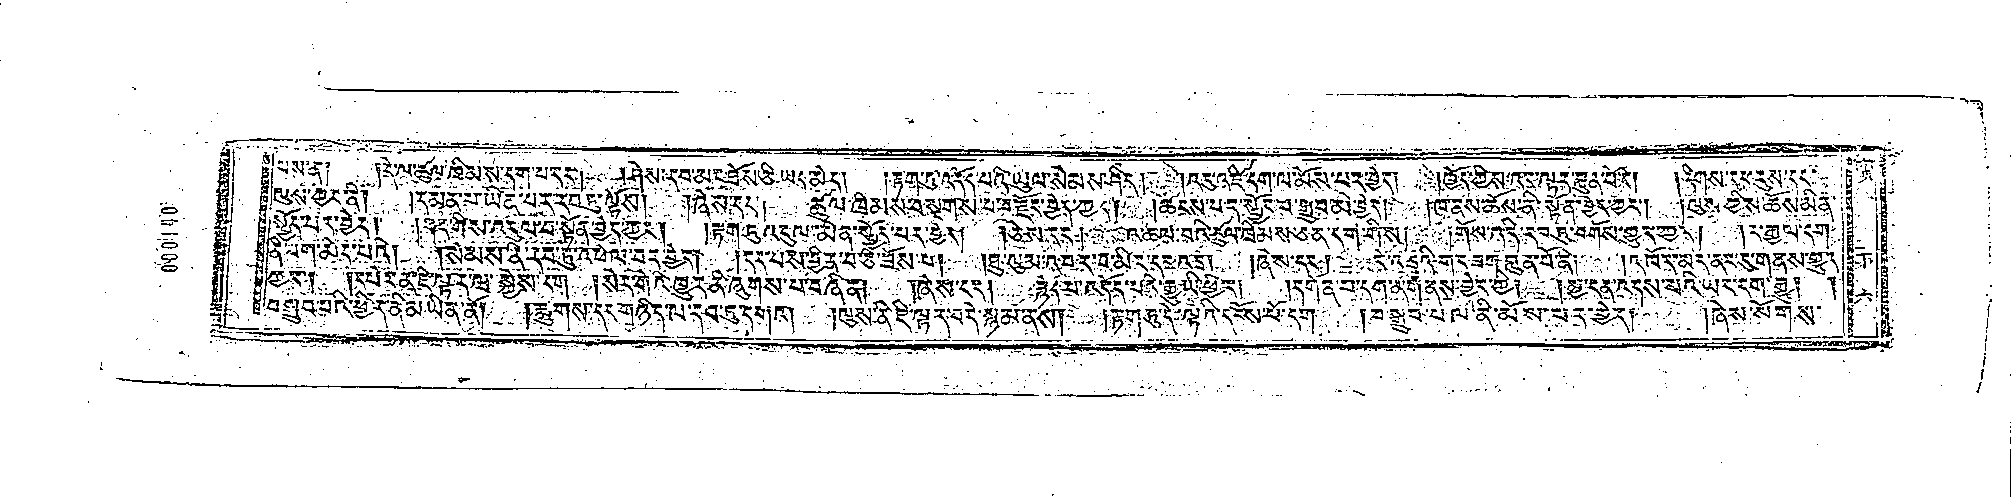པས་ན། །དེ་ལ་ཚུལ་ཁྲིམས་དག་པ་དང་། །ཤེས་རབ་མང་ཐོས་ཅི་ཡང་མེད། །རྟག་ཏུ་འདོད་པའི་ཡུལ་སེམས་ཤིང་། །འདུ་འཛི་དག་ལ་མོས་པར་བྱེད། །ཁྱོད་ཀྱིས་འདི་ལྟར་བླུན་པོ་དེ། །རིགས་དང་རུས་དང་།
ལུས་ཀྱང་ནི། །དམན་པ་ཡིན་པར་རབ་ཏུ་ལྟོས། །ཞེས་དང་། ཚུལ་ཁྲིམས་བསྔགས་པ་བརྗོད་བྱེད་ཀྱང་། །ཚངས་པར་སྤྱོད་པ་སྒྲུབ་མི་བྱེད། །ཁ་ནས་ཆོས་ནི་སྟོན་བྱེད་ཀྱང་། །ལུས་ཀྱིས་ཆོས་མིན་
སྤྱོད་པར་བྱེད། །རང་གིས་འདུལ་བ་སྟོན་བྱེད་ཀྱང་། །རྟག་ཏུ་འདུལ་མིན་སྤྱོད་པར་བྱེད། །ཅེས་དང་། འཚལ་བའི་ཚུལ་ཁྲིམས་ཅན་དག་གིས། །གོས་འདི་རབ་ཏུ་བགོས་གྱུར་ཀྱང་། །ང་རྒྱལ་དག་
ནི་བག་མེད་པའི། །སེམས་ནི་རབ་ཏུ་འཕེལ་བར་བྱེད། །དད་པས་བྱིན་པ་ཅི་ཟོས་པ། །ཐུ་ལུམ་འབར་བ་མིང་དང་འདྲ། །ཞེས་དང་། དེ་འདྲའི་གང་ཟག་བླུན་པོ་ནི། །འཁོར་མད་ནང་དུ་གནས་གྱུར་
ཀྱང་། །དཔེར་ན་ཇི་ལྟར་ཝ་སྐྱེས་ངག །སེང་གེའི་ཁྱུར་ནི་ཞུགས་པ་བཞིན། །ཞེས་དང་། རྙེད་པ་འདོད་པའི་རྒྱུ་ཡི་ཕྱིར། །དགོན་པ་དག་ན་གནས་བྱེད་ཀྱི། །མྱ་ངན་འདས་པའི་ཡང་དག་རྒྱུ། །
བསྒྲུབ་པའི་ཕྱིར་ནི་མ་ཡིན་ནོ། །རྨུགས་དང་གཉིད་ལ་རབ་ཏུ་དགའ། །ལུས་ནི་ཇི་ལྟར་བདེ་སྙམ་ནས། །རྟག་ཏུ་དེ་ལྟའི་དངོས་པོ་དག །བསྒྲུབ་པ་ལ་ནི་མོས་པར་བྱེད། །ཞེས་སོགས་